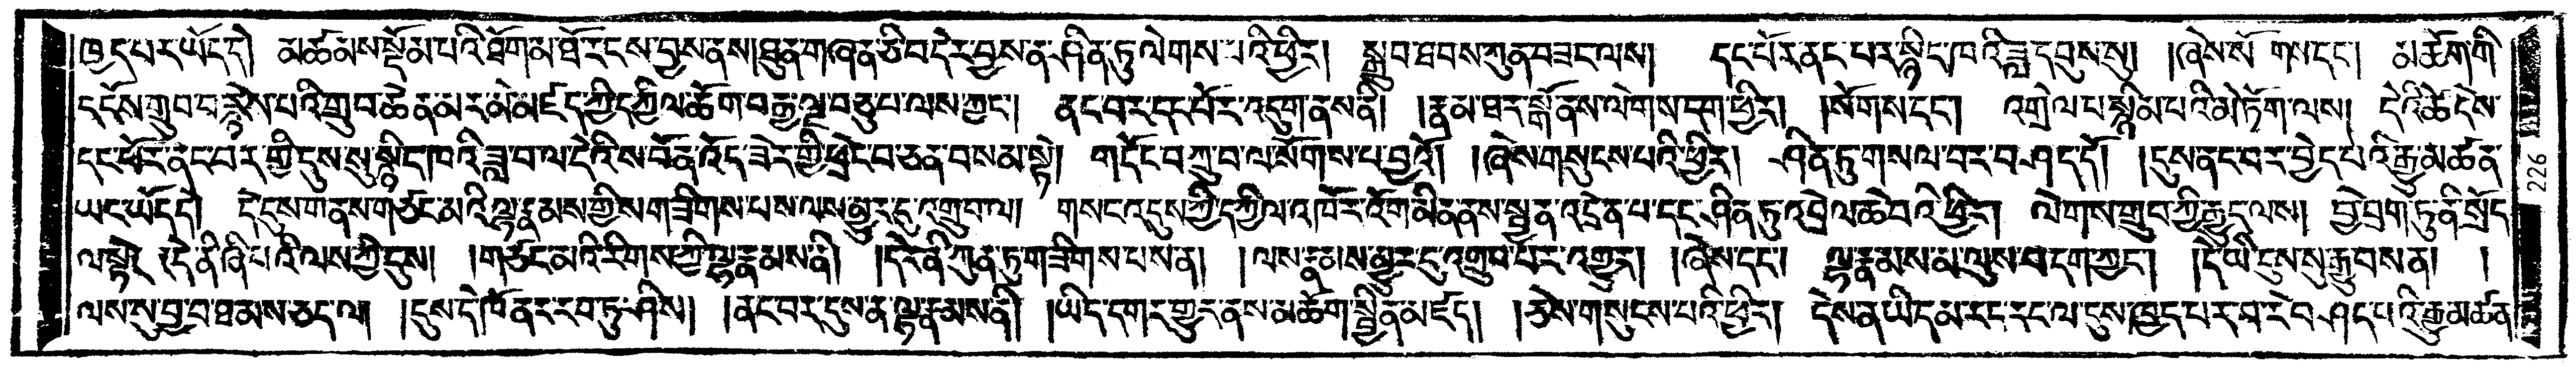ཁྱད་པར་ཡོད་དེ། མཚམས་སྡོམ་པའི་ཐོག་མ་ཐོ་རངས་བྱས་ནས། ཐུན་གཞན་ཅི་བདེར་བྱས་ན་ཤིན་ཏུ་ལེགས་པའི་ཕྱིར། སྒྲུབ་ཐབས་ཀུན་བཟང་ལས། དང་པོར་ནང་པར་སྙིང་ཁའི་ཟླ་དབུས་སུ། །ཞེས་སོགས་དང་། མཆོག་གི་
དངོས་གྲུབ་བརྙེས་པའི་གྲུབ་ཆེན་མར་མེ་མཛད་ཀྱི་དཀྱིལ་ཆོག་བརྒྱ་ལྔ་བཅུ་པ་ལས་ཀྱང་། ནང་བར་དང་པོར་འདུག་ནས་ནི། །རྣམ་ཐར་སྒོ་ནས་ལེགས་དག་ཕྱིར། །སོགས་དང་། འགྲེལ་པ་སྙིམ་པའི་མེ་ཏོག་ལས། དེའི་ཚེ་དེས་
དང་ཕོར་ནང་བར་གྱི་དུས་སུ་སྙིང་ཁའི་ཟླ་བ་ལ་དེའི་ས་བོན་འོད་ཟེར་གྱི་ཕྲེང་བ་ཅན་བསམ་སྟེ། གདོང་བཀྲུ་བ་ལ་སོགས་པ་བྱའོ། །ཞེས་གསུངས་པའི་ཕྱིར། ཤིན་ཏུ་གསལ་བར་བཤད་དོ། །དུས་ནང་བར་བྱེད་པའི་རྒྱུ་མཚན་
ཡང་ཡོད་དེ། དེ་དུས་གནས་གཙང་མའི་ལྷ་རྣམས་གྱིས་གཟིགས་པས་ལས་མྱུར་དུ་འགྲུབ་ལ། གསང་འདུས་ཀྱི་དཀྱིལ་འཁོར་འོག་མིན་ནས་སྤྱན་འདྲེན་པ་དང་ཤིན་ཏུ་འབྲེལ་ཆེ་བའི་ཕྱིར། ལེགས་གྲུབ་ཀྱི་རྒྱུད་ལས། བྱེ་བྲག་ཏུ་ནི་སྲོད་
ལ་སྟེ༑ ༑དེ་ནི་ཞི་པའི་ལས་ཀྱི་དུས། །གཙང་མའི་རིགས་ཀྱི་ལྷ་རྣམས་ནི། །དེར་ནི་ཀུན་ཏུ་གཟིགས་པས་ན། །ལས་རྣམས་མྱུར་དུ་འགྲུབ་པར་འགྱུར། །ཞེས་དང་། ལྷ་རྣམས་མ་ལུས་པ་དག་ཀྱང་། །དེ་ཡི་དུས་སུ་རྒྱུ་བས་ན། །
ལས་སུ་བྱ་བ་ཐམས་ཅད་ལ། །དུས་དེ་ཁོ་ནར་རབ་ཏུ་ཤིས། །ནང་བར་དུས་ན་ལྷ་རྣམས་ནི། །ཡིད་དགར་གྱུར་ནས་མཆོག་སྦྱིན་མཛད། །ཅེས་གསུངས་པའི་ཕྱིར། དེས་ན་ཡི་དམ་རང་རང་ལ་དུས་ཁྱད་པར་བ་རེ་བཤད་པའི་རྒྱུ་མཚན་